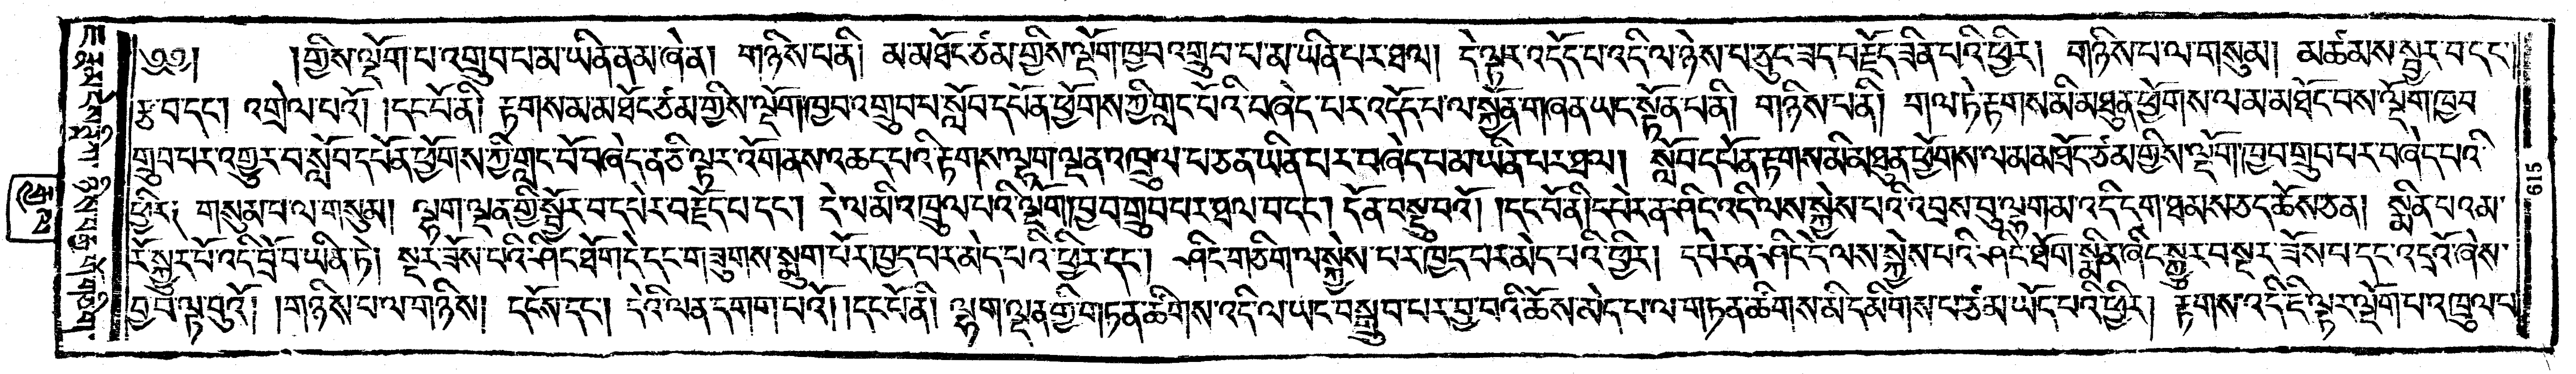༄༅། །གྱིས་ལྡོག་པ་འགྲུབ་པ་མ་ཡིན་ནམ་ཞེ་ན། གཉིས་པ་ནི། མ་མཐོང་ཙམ་གྱིས་ལྡོག་ཁྱབ་འགྲུབ་པ་མ་ཡིན་པར་ཐལ། དེ་ལྟར་འདོད་པ་འདི་ལ་ཉེས་པ་ཅུང་ཟད་བརྗོད་ཟིན་པའི་ཕྱིར། གཉིས་པ་ལ་གསུམ། མཚམས་སྦྱར་བ་དང་།
རྩ་བ་དང་། འགྲེལ་པའོ། །དང་པོ་ནི། རྟགས་མ་མཐོང་ཙམ་གྱིས་ལྡོག་ཁྱབ་འགྲུབ་པ་སློབ་དཔོན་ཕྱོགས་ཀྱི་གླང་པོའི་བཞེད་པར་འདོད་པ་ལ་སྐྱོན་གཞན་ཡང་སྟོན་པ་ནི། གཉིས་པ་ནི། གལ་ཏེ་རྟགས་མི་མཐུན་ཕྱོགས་ལ་མ་མཐོང་བས་ལྡོག་ཁྱབ་
གྲུབ་པར་འགྱུར་བ་སློབ་དཔོན་ཕྱོགས་ཀྱི་གླང་པོ་བཞེད་ན་ཅི་ལྟར་འོག་ནས་འཆད་པའི་རྟགས་ལྷག་ལྡན་འཁྲུལ་པ་ཅན་ཡིན་པར་བཞེད་པ་མ་ཡིན་པར་ཐལ། སློབ་དཔོན་རྟགས་མི་མཐུན་ཕྱོགས་ལ་མ་མཐོང་ཙམ་གྱིས་ལྡོག་ཁྱབ་གྲུབ་པར་བཞེད་པའི་
ཕྱིར། གསུམ་པ་ལ་གསུམ། ལྷག་ལྡན་གྱི་སྦྱོར་བ་དཔེར་བརྗོད་པ་དང་། དེ་ལ་མི་འཁྲུལ་པའི་ལྡོག་ཁྱབ་གྲུབ་པར་ཐལ་བ་དང་། དོན་བསྡུ་བའོ། །དང་པོ་ནི། དཔེར་ན་ཤིང་འདི་ལས་སྐྱེས་པའི་འབྲས་བུ་ལྷག་མ་འདི་དག་ཐམས་ཅད་ཆོས་ཅན། སྨིན་པའམ་
རོ་སྐྱུར་པོ་འདི་བྲོ་བ་ཡིན་ཏེ། སྔར་ཟོས་པའི་ཤིང་ཐོག་དེ་དང་གཟུགས་སྨུག་པོར་ཁྱད་པར་མེད་པའི་ཕྱིར་དང་། ཤིང་གཅིག་ལ་སྐྱེས་པར་ཁྱད་པར་མེད་པའི་ཕྱིར། དཔེར་ན་ཤིང་དེ་ལས་སྐྱེས་པའི་ཤིང་ཐོག་སྨིན་ཞིང་སྒྱུར་བ་སྔར་ཟོས་པ་དང་འདྲའོ་ཞེས་
བྱ་བ་ལྟ་བུའོ། །གཉིས་པ་ལ་གཉིས། དངོས་དང་། དེའི་ལན་དགག་པའོ། །དང་པོ་ནི། ལྷག་ལྡན་གྱི་གཏན་ཚིགས་འདི་ལ་ཡང་བསྒྲུབ་པར་བྱ་བའི་ཆོས་མེད་པ་ལ་གཏན་ཚིགས་མི་དམིགས་པ་ཙམ་ཡོད་པའི་ཕྱིར། རྟགས་འདི་ཇི་ལྟར་ལྡོག་པ་འཁྲུལ་པ་